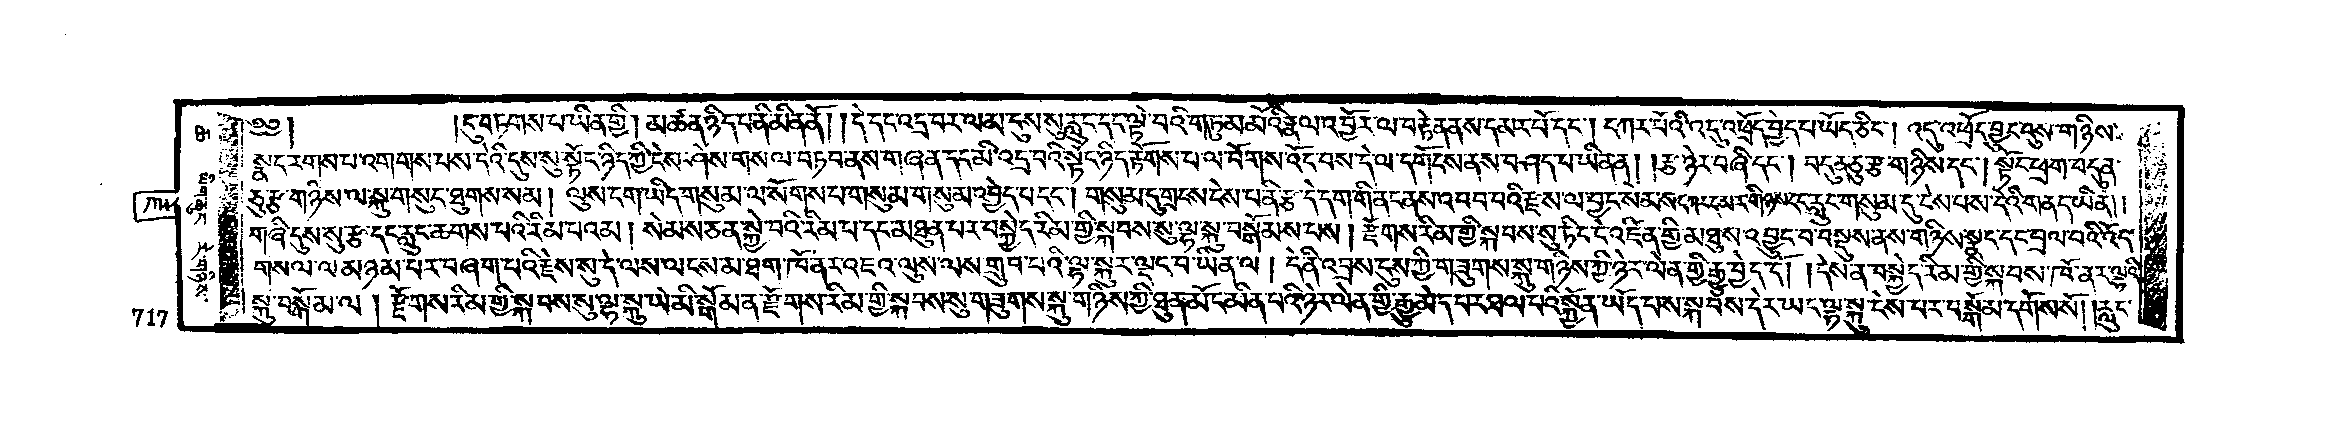༄༅། །དུ་བཏགས་པ་ཡིན་གྱི། མཚན་ཉིད་པ་ནི་མིན་ནོ། །དེ་དང་འདྲ་བར་ལམ་དུས་སུ་རླུང་དང་ལྟེ་བའི་གཏུམ་མོའི་རྣལ་འབྱོར་ལ་བརྟེན་ནས་དམར་པོ་དང་། དཀར་པོའི་འདུ་འཕྲོད་བྱེད་པ་ཡོད་ཅིང་། འདུ་འཕྲོད་བྱུང་དུས་གཉིས་
སྣང་རགས་པ་འགགས་པས་དེའི་དུས་སུ་སྟོང་ཉིད་ཀྱི་ངེས་ཤེས་གསལ་བཏབ་ནས་གཞན་དང་མི་འདྲ་བའི་སྟོང་ཉིད་རྟོགས་པ་ལ་བོགས་འོང་བས་དེ་ལ་དགོངས་ནས་བཤད་པ་ཡིན་ན། །རྩ་ཉེར་བཞི་དང་། བདུན་ཅུ་རྩ་གཉིས་དང་། སྟོང་ཕྲག་བདུན་
ཅུ་རྩ་གཉིས་ལ་སྐུ་གསུང་ཐུགས་སམ། ལུས་ངག་ཡིད་གསུམ་ལ་སོགས་པ་གསུམ་གསུམ་འབྱེད་པ་དང་། གསུམ་དུ་གྲངས་ངེས་པ་ནི་རྩ་དེ་དག་གི་ནང་ནས་འབབ་པའི་རྫས་ལ་བྱང་སེམས་དཀར་དམར་གཉིས་དང་རླུང་གསུམ་དུ་ངེས་པས་དེའི་གནད་ཡིན་ནོ། །
གཞི་དུས་སུ་རྩ་དང་རླུང་ཆགས་པའི་རིམ་པའམ། སེམས་ཅན་སྐྱེ་བའི་རིམ་པ་དང་མཐུན་པར་བསྐྱེད་རིམ་གྱི་སྐབས་སུ་ལྷ་སྐུ་བསྒོམས་པས། རྫོགས་རིམ་གྱི་སྐབས་སུ་ཏིང་ངེ་འཛིན་གྱི་མཐུས་འབྱུང་བ་བསྡུས་ནས་གཉིས་སྣང་དང་བྲལ་བའི་འོད་
གསལ་ལ་མཉམ་པར་བཞག་པའི་རྗེས་སུ་དེ་ལས་ལངས་མ་ཐག་ཁོ་ནར་འཇའ་ལུས་ལས་གྲུབ་པའི་ལྷ་སྐུར་ལྡང་བ་ཡིན་ལ། དེ་ནི་འབྲས་དུས་ཀྱི་གཟུགས་སྐུ་གཉིས་ཀྱི་ཉེར་ལེན་གྱི་རྒྱུ་བྱེད་དོ། །དེས་ན་བསྐྱེད་རིམ་གྱི་སྐབས་ཁོ་ནར་ལྷའི་
སྐུ་བསྒོམ་ལ། རྫོགས་རིམ་གྱི་སྐབས་སུ་ལྷ་སྐུ་ཡེ་མི་སྒོམ་ན་རྫོགས་རིམ་གྱི་སྐབས་སུ་གཟུགས་སྐུ་གཉིས་ཀྱི་ཐུན་མང་མིན་པའི་ཉེར་ལེན་གྱི་རྒྱུ་མེད་པར་ཐལ་པའི་སྐྱོན་ཡོད་པས་སྐབས་དེར་ཡང་ལྷ་སྐུ་ངེས་པར་བསྒོམ་དགོས་སོ། །རླུང་